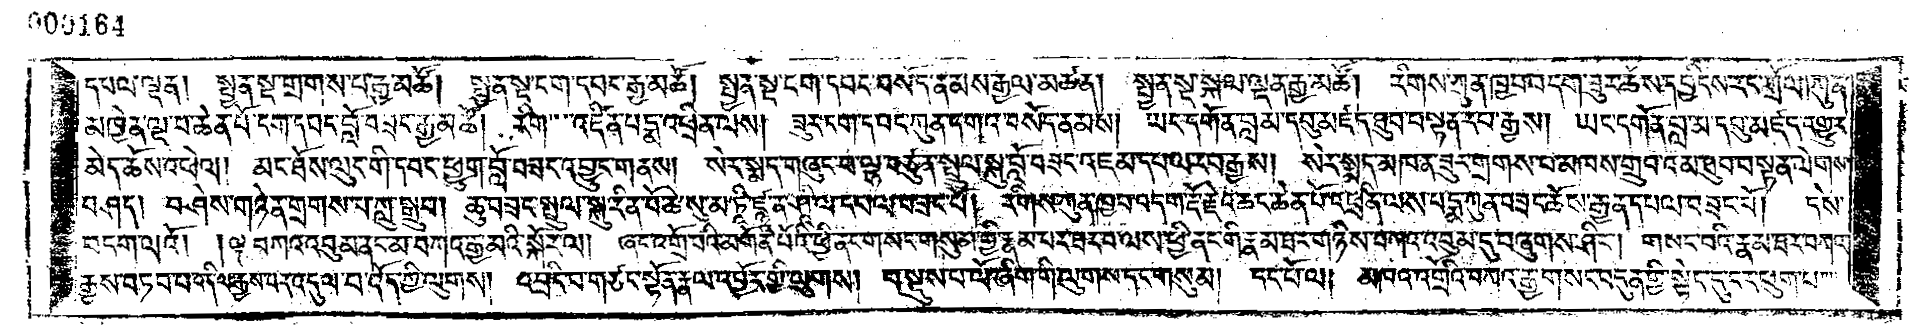དཔལ་ལྡན། སྤྱན་སྔ་གྲགས་པ་རྒྱ་མཚོ། སྤྱན་སྔ་ངག་དབང་རྒྱ་མཚོ། སྤྱན་སྔ་ངག་དབང་བསོད་ནམས་རྒྱལ་མཚན། སྤྱན་སྔ་སྐལ་ལྡན་རྒྱ་མཚོ། རིགས་ཀུན་ཁྱབ་བདག་ཟུང་ཆོས་དབྱིངས་རང་གྲོལ། ཀུན་
མཁྱེན་ལྔ་པ་ཆེན་པོ་ངག་དབང་བློ་བཟང་རྒྱ་མཚོ། རིག་འཛིན་པདམ་འཕྲིན་ལས། ཟུར་ངག་དབང་ཀུན་དགའ་བསོད་ནམས། ཡང་དགོན་བླ་མ་དབུ་མཛད་ཐུབ་བསྟན་རབ་རྒྱས། ཡང་དགོན་བླ་མ་དབུ་མཛད་འགྱུར་
མེད་ཆོས་འཕེལ། མང་ཐོས་ལུང་གི་དབང་ཕྱུག་བློ་བཟང་འབྱུང་གནས། སེར་སྨད་གཞུང་བ་ལྷ་བཙུན་སྤྲུལ་སྐུ་བློ་བཟང་འཇམ་དཔལ་རབ་རྒྱས། སེར་སྨད་མཁན་ཟུར་གྲགས་པ་མཁས་གྲུབ་འམ་ཐུབ་བསྟན་ལེགས་
བཤད། བཤེས་གཉེན་གྲགས་པ་ཀླུ་སྒྲུབ། ཆུ་བཟང་སྤྲུལ་སྐུ་རིན་པོ་ཆེ་སུ་མ་ཏཱི་ཛྙ་ན་ཤཱི་ལ་དཔལ་བཟང་པོ། རིགས་ཀུན་ཁྱབ་བདག་རྡོ་རྗེ་འཆང་ཆེན་པོ་འཕྲིན་ལས་པདམ་ཀུན་བཟང་ཆོས་རྒྱན་དཔལ་བཟང་པོ། དེས་
བདག་ལའོ། །༈ བཀའ་འབུམ་ནང་མ་བཀའ་རྒྱ་མའི་སྐོར་ལ། ཞང་འགྲོ་བའི་མགོན་པོའི་ཕྱི་ནང་གསང་གསུམ་གྱི་རྣམ་པར་ཐར་བ་ལས་ཕྱི་ནང་གི་རྣམ་ཐར་གཉིས་བཀའ་འབུམ་དུ་བཞུགས་ཤིང་། གསང་བའི་རྣམ་ཐར་བཀའ་
རྒྱས་བཏབ་པ་འདི་ལ་རྒྱས་པར་འདུལ་བ་འོད་ཀྱི་ལུགས། འབྲིང་བ་གཙང་སྟོན་རྣལ་འབྱོར་གྱི་ལུགས། བསྡུས་པ་ལོ་ཞིག་གི་ལུགས་དང་གསུམ། དང་པོ་ལ། མཁའ་འགྲོའི་བཀའ་རྒྱ་གསང་བདུན་གྱི་སྟེང་དུ་ངར་ཕུག་པ་